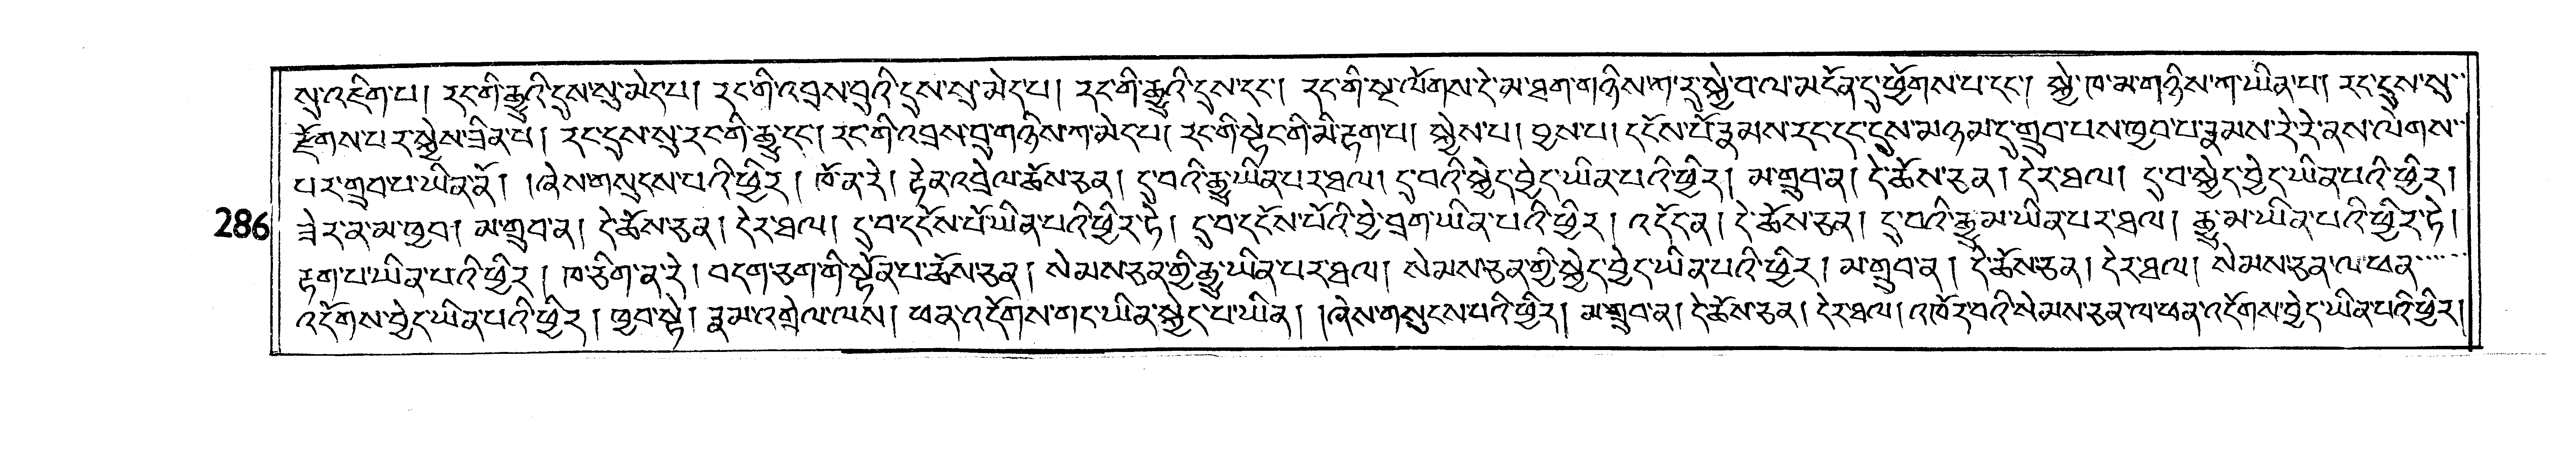སུ་འཇིག་པ། རང་གི་རྒྱུའི་དུས་སུ་མེད་པ། རང་གི་འབྲས་བུའི་དུས་སུ་མེད་པ། རང་གི་རྒྱུའི་དུས་དང་། རང་གི་སྔ་ལོགས་དེ་མ་ཐག་གཉིས་ཀ་རུ་སྐྱེ་བ་ལ་མངོན་དུ་ཕྱོགས་པ་དང་། སྐྱེ་ཁ་མ་གཉིས་ཀ་ཡིན་པ། རང་དུས་སུ་
རྫོགས་པར་སྐྱེས་ཟིན་པ། རང་དུས་སུ་རང་གི་རྒྱུ་དང་། རང་གི་འབྲས་བུ་གཉིས་ཀ་མེད་པ། རང་གི་སྟེང་གི་མི་རྟག་པ། སྐྱེས་པ། བྱས་པ། དངོས་པོ་རྣམས་རང་དང་དུས་མཉམ་དུ་གྲུབ་པས་ཁྱབ་པ་རྣམས་རེ་རེ་ནས་ལེགས་
པར་གྲུབ་པ་ཡིན་ནོ། །ཞེས་གསུངས་པའི་ཕྱིར། ཁོ་ན་རེ། རྟེན་འབྲེལ་ཆོས་ཅན། དུ་བའི་རྒྱུ་ཡིན་པར་ཐལ། དུ་བའི་སྐྱེད་བྱེད་ཡིན་པའི་ཕྱིར། མ་གྲུབ་ན། དེ་ཆོས་ཅན། དེར་ཐལ། དུ་བ་སྐྱེད་བྱེད་ཡིན་པའི་ཕྱིར།
ཟེར་ན་མ་ཁྱབ། མ་གྲུབ་ན། དེ་ཆོས་ཅན། དེར་ཐལ། དུ་བ་དངོས་པོ་ཡིན་པའི་ཕྱིར་ཏེ། དུ་བ་དངོས་པོའི་བྱེ་བྲག་ཡིན་པའི་ཕྱིར། འདོད་ན། དེ་ཆོས་ཅན། དུ་བའི་རྒྱུ་མ་ཡིན་པར་ཐལ། རྒྱུ་མ་ཡིན་པའི་ཕྱིར་ཏེ།
རྟག་པ་ཡིན་པའི་ཕྱིར། ཁ་ཅིག་ན་རེ། བདག་ཅག་གི་སྟོན་པ་ཆོས་ཅན། སེམས་ཅན་གྱི་རྒྱུ་ཡིན་པར་ཐལ། སེམས་ཅན་གྱི་སྐྱེད་བྱེད་ཡིན་པའི་ཕྱིར། མ་གྲུབ་ན། དེ་ཆོས་ཅན། དེར་ཐལ། སེམས་ཅན་ལ་ཕན་
འདོགས་བྱེད་ཡིན་པའི་ཕྱིར། ཁྱབ་སྟེ། རྣམ་འགྲེལ་ལས། ཕན་འདོགས་གང་ཡིན་སྐྱེད་པ་ཡིན། །ཞེས་གསུངས་པའི་ཕྱིར། མ་གྲུབ་ན། དེ་ཆོས་ཅན། དེར་ཐལ། འཁོར་བའི་སེམས་ཅན་ལ་ཕན་འདོགས་བྱེད་ཡིན་པའི་ཕྱིར།